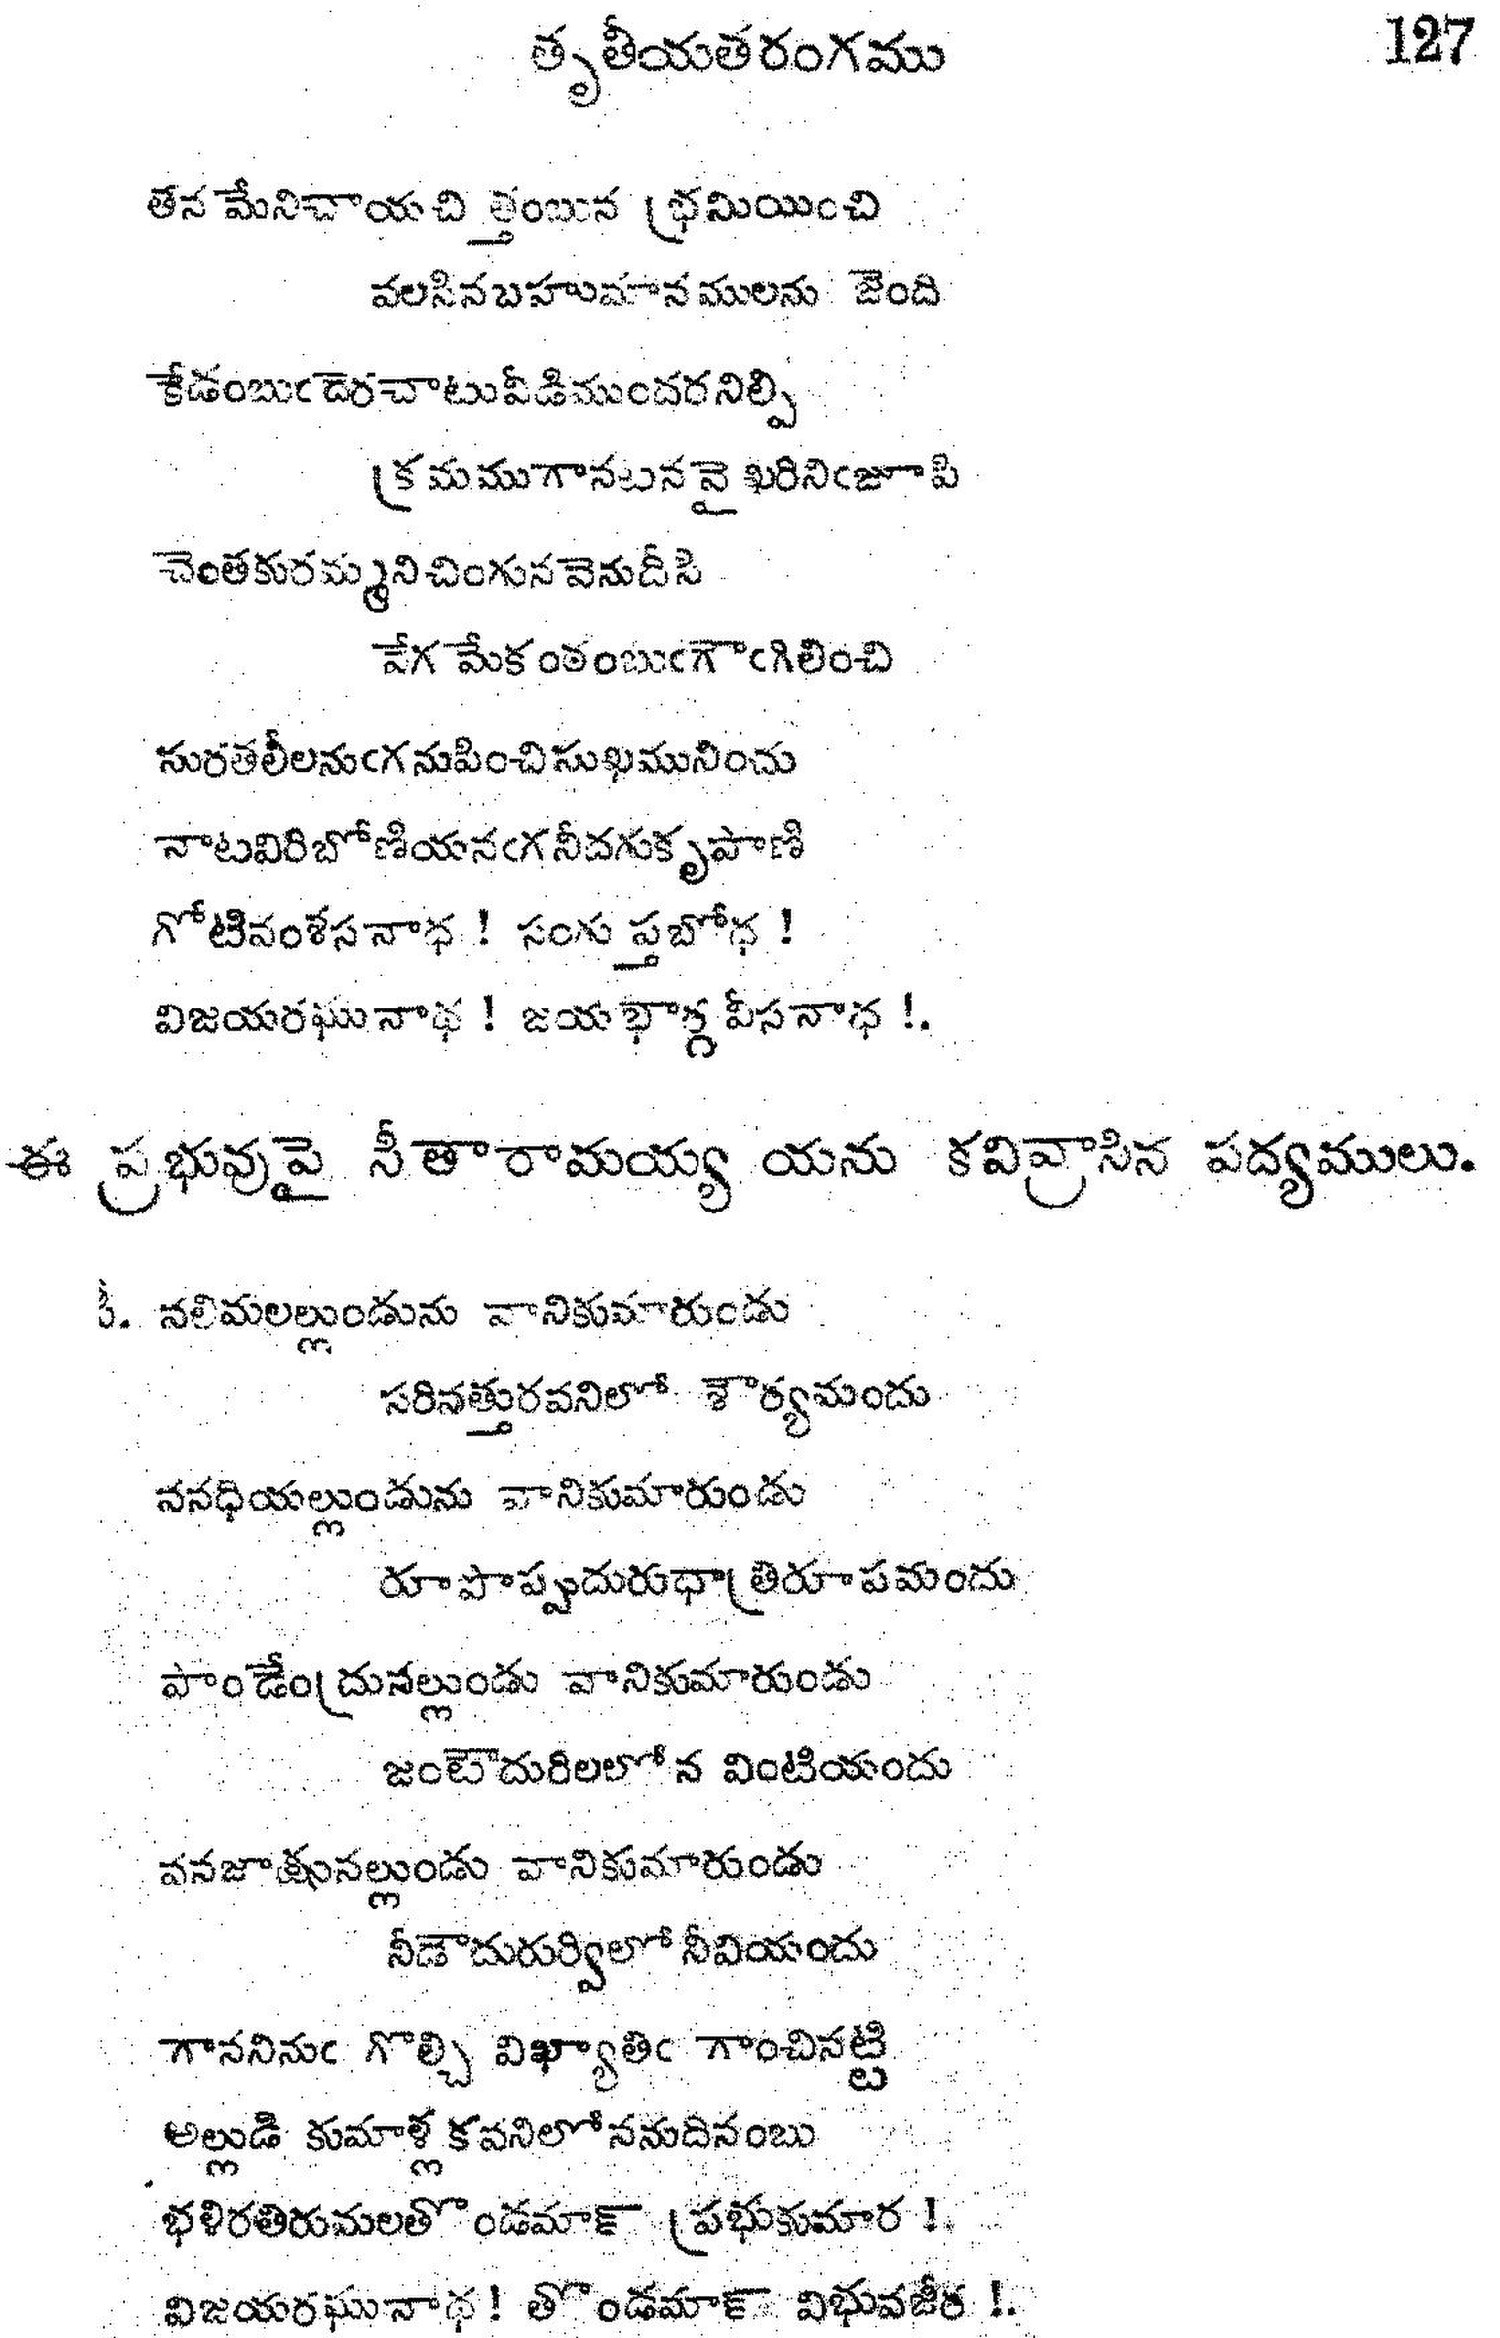తనమేనిచాయచిత్తంబున భ్రమించి
 వలసిన బహుమానములను జెంది
 కేడంబుఁ దెరచోటు వీడి ముందర నిల్పి
 క్రమముగా నటనవైఖరినిఁ జూపి
 చెంతకు రమ్మని చింగున వెనుదీసి
 వేగమే కంఠంబుఁ గౌఁగిలించి
 సురతలీలనుఁ గనుపించి సుఖము నించు
 నాటవిరిబోణి యనఁగ నీదగుకృపాణి
 గోటివంశసనాథ! సంగుప్తబోధ!
 విజయరఘునాథ! జయభార్గవీసనాథ!

ఈప్రభువుపై సీతారామయ్య యనుకవి వ్రాసిన పద్యములు.

సీ. వలిమలల్లుండును వానికుమారుండు
 సరివత్తు రవనిలో శౌర్యమందు
 వనధియల్లుండును వానికుమారుండు
 రూ పొప్పుదురు ధాత్రి రూపమందు
 పాండేంద్రునల్లుండు వానికుమారుండు
 జంటౌదురిలలోన వింటియందు
 వనజాక్షునల్లుండు వానికుమారుండు
 నీడౌదురుర్విలో నీవియందు
 గాన నినుఁ గొల్చి విఖ్యాతిఁ గాంచినట్టి
 అల్లుడి కుమాళ్ళ కవనిలో ననుదినంబు
 భళిర తిరుమలతొండమాన్ ప్రభుకుమార!
 విజయరఘునాథ! తొండమాన్ విభువజీర.